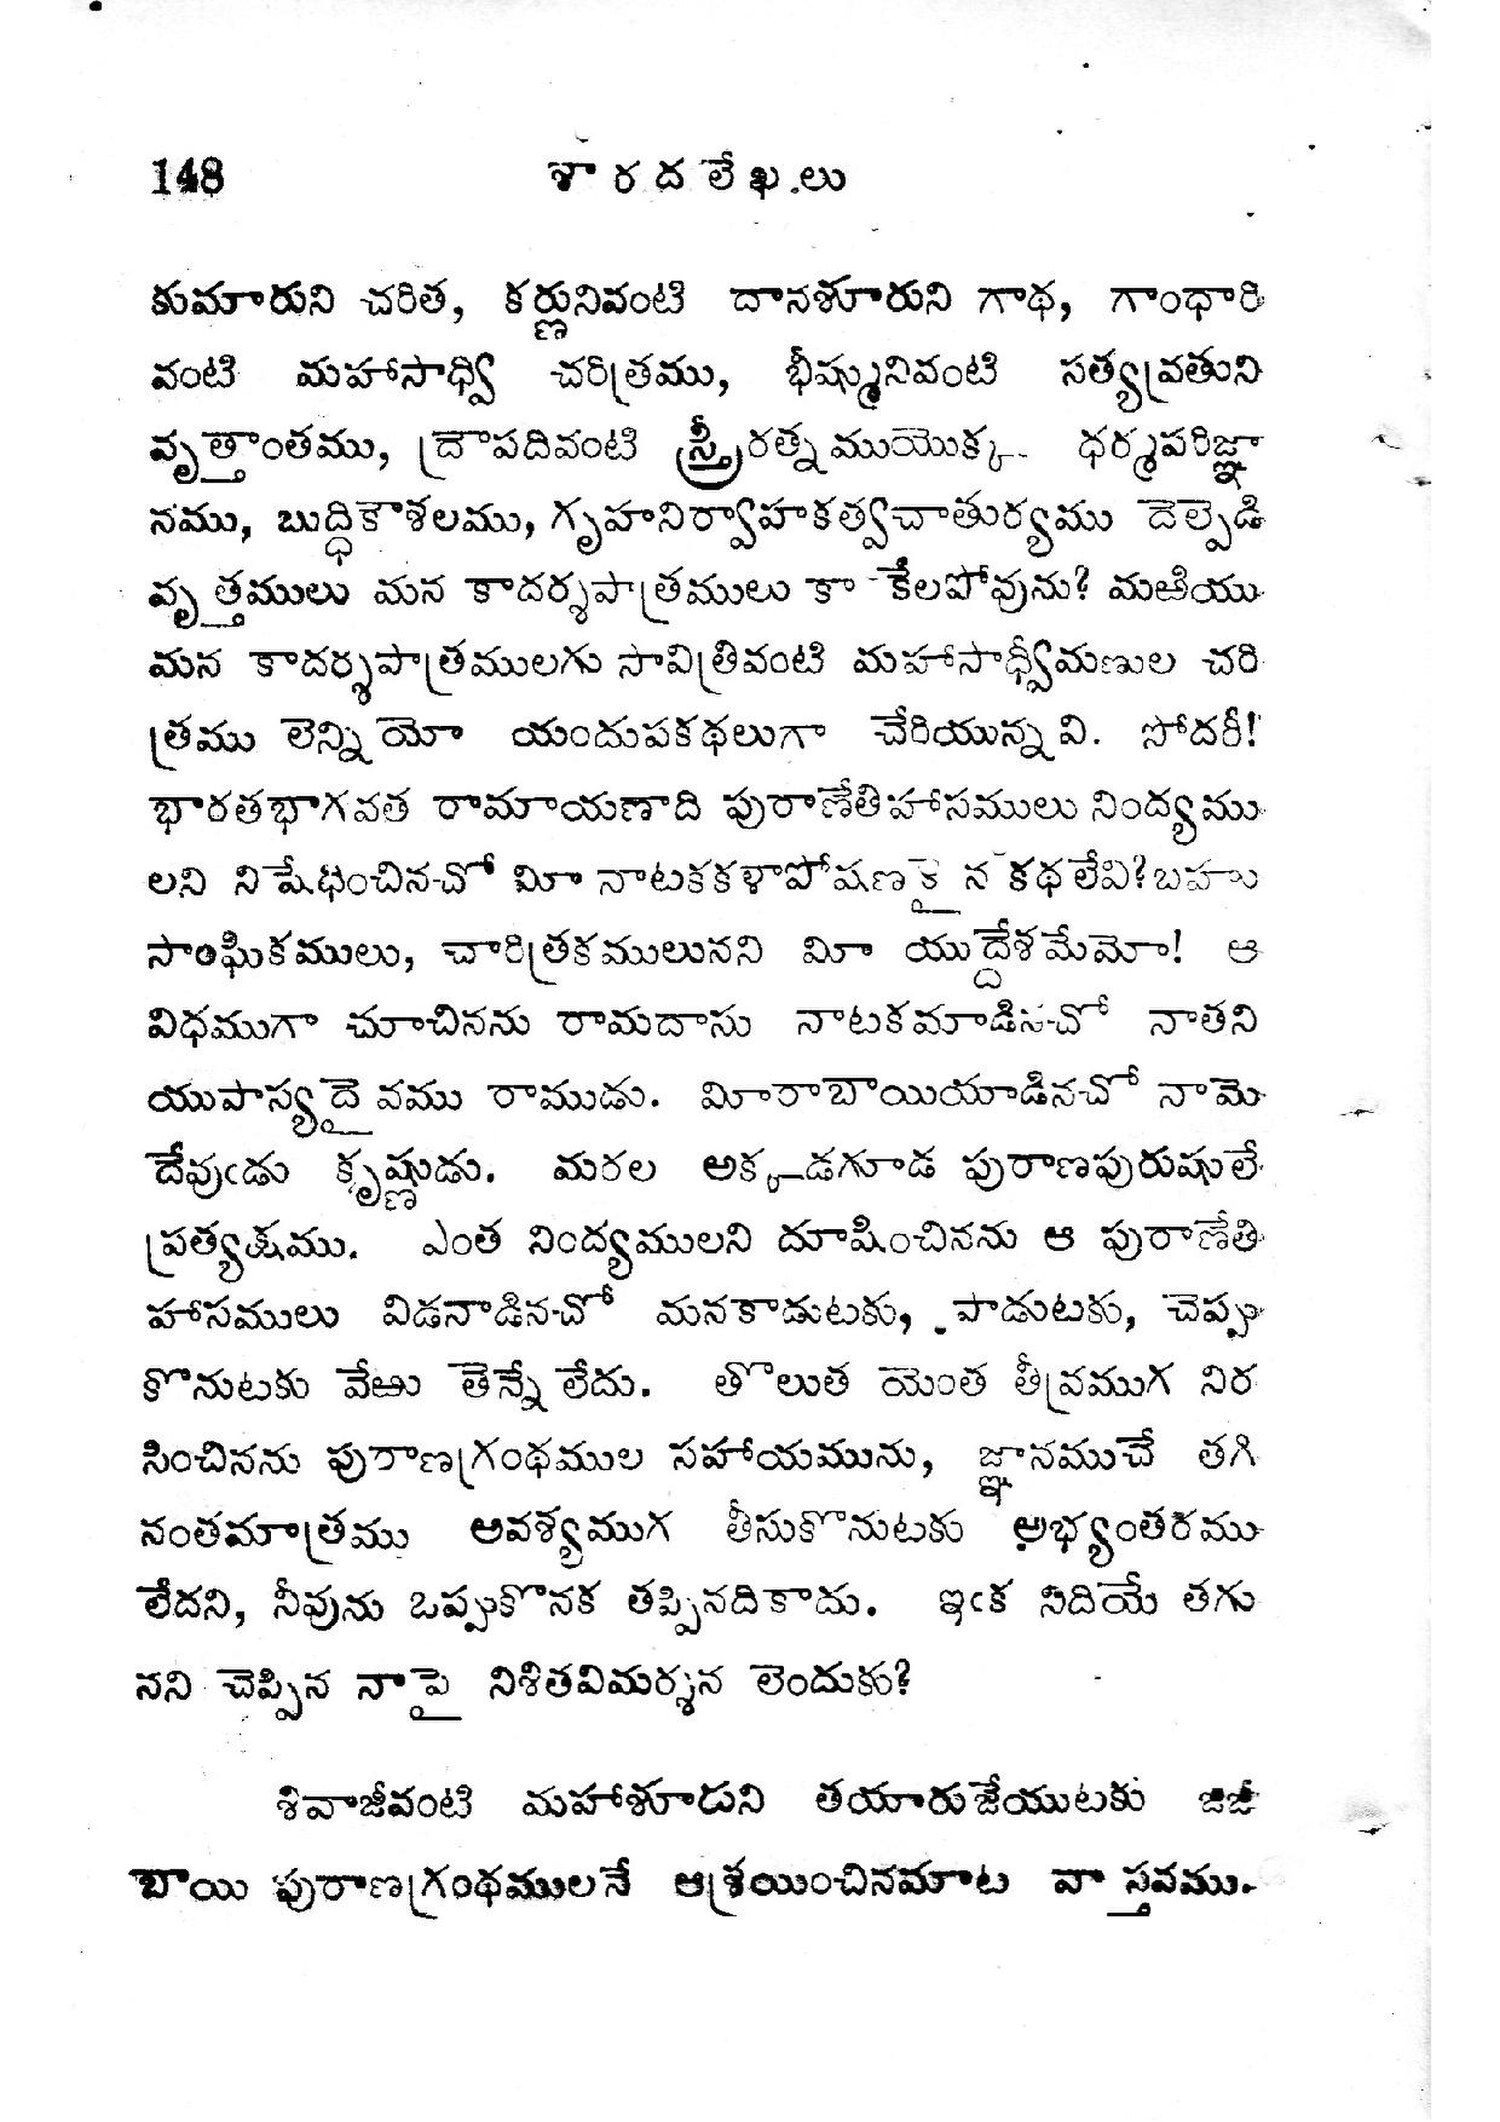కుమారుని చరిత, కర్ణునివంటి దానశూరుని గాథ, గాంధారివంటి మహాసాధ్వి చరిత్రము, భీష్మునివంటి సత్యవ్రతుని వృత్తాంతము, ద్రౌపదివంటి స్త్రీరత్నముయొక్క ధర్మపరిజ్ఞానము, బుద్ధికౌశలము, గృహనిర్వాహకత్వచాతుర్యము దెల్పెడి వృత్తములు మన కాదర్శపాత్రములు కాకేలపోవును? మఱియు
మన కాదర్శపాత్రములగు సావిత్రివంటి మహాసాధ్వీమణుల చరిత్రము లెన్నియో యందుపకథలుగా చేరియున్నవి. సోదరీ! భారతభాగవత రామాయణాది పురాణేతిహాసములు నింద్యములని నిషేధించినచో మీ నాటకకళాపోషణకైన కథలేవి? బహు సాంఘికములు, చారిత్రకములునని మీ యుద్దేశమేమో! ఆ విధముగా చూచినను రామదాసు నాటకమాడినచో నాతని యుపాస్యదైవము రాముడు. మీరాబాయియాడినచో నామె
దేవుఁడు కృష్ణుడు. మరల అక్కడగూడ పురాణపురుషులే ప్రత్యక్షము. ఎంత నింద్యములని దూషించినను ఆ పురాణేతిహాసములు విడనాడినచో మనకాడుటకు, పాడుటకు, చెప్పుకొనుటకు వేఱు తెన్నే లేదు. తొలుత యెంత తీవ్రముగ నిరసించినను పురాణగ్రంథముల సహాయమును, జ్ఞానముచే తగినంతమాత్రము అవశ్యముగ తీసుకొనుటకు అభ్యంతరము లేదని, నీవును ఒప్పుకొనక తప్పినదికాదు. ఇఁక నిదియే తగునని చెప్పిన నాపై నిశితవిమర్శన లెందుకు?

శివాజీవంటి మహాశూరుని తయారుజేయుటకు జిజీబాయి పురాణగ్రంథములనే ఆశ్రయించినమాట వాస్తవము.